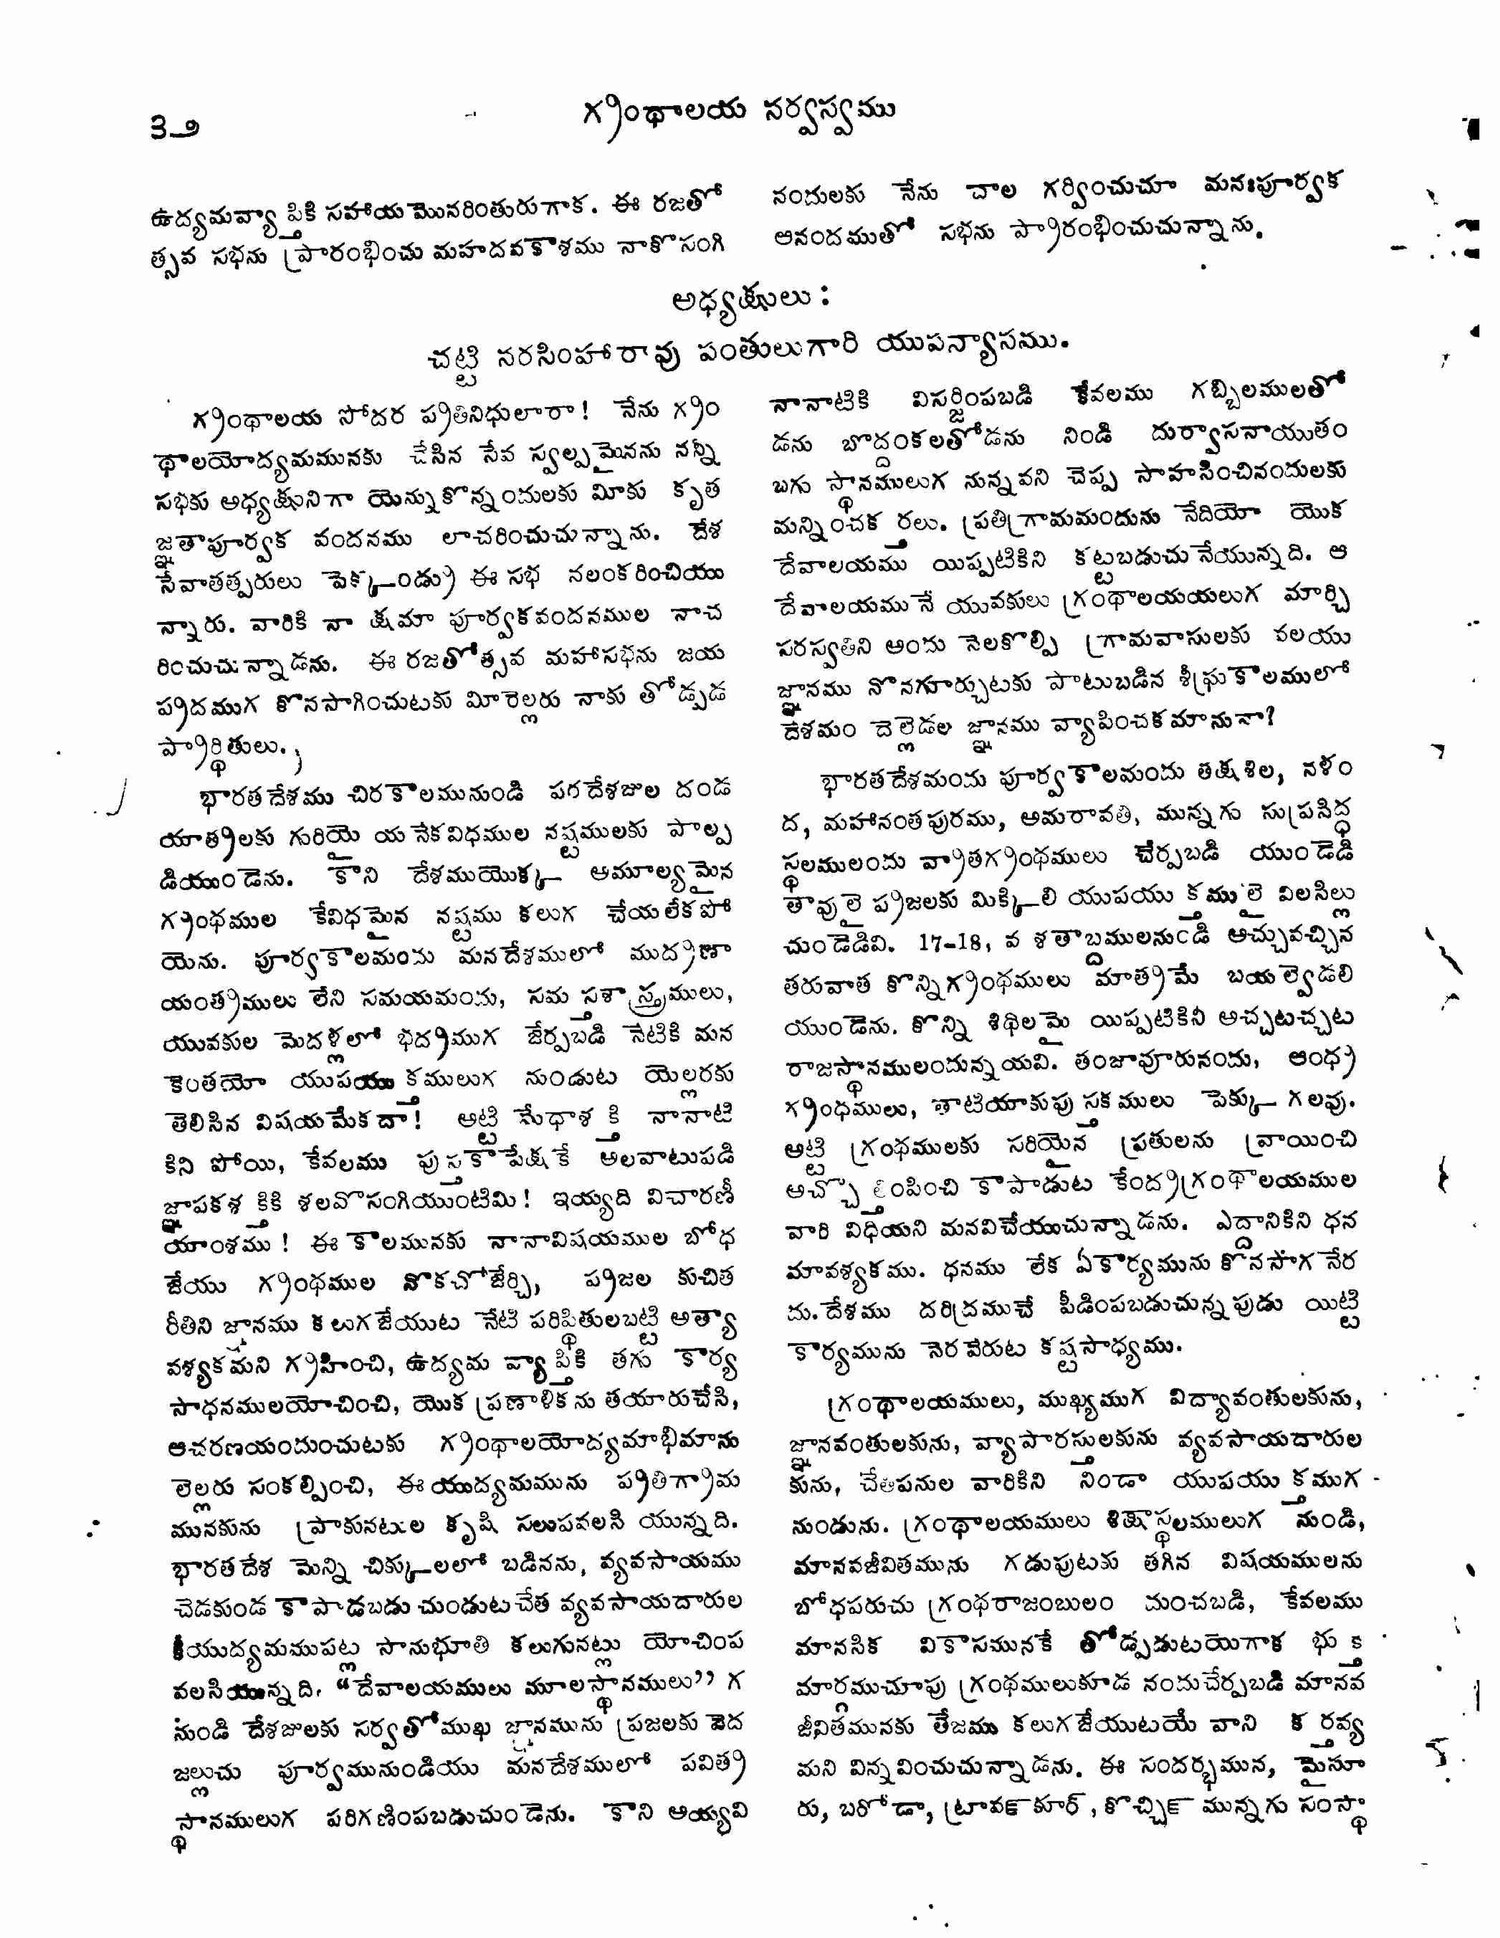ఉద్యమవ్యా ప్తికి సహాయమొనరింతురు గాక. ఈ రజతోత్సవ సభను ప్రారంభించు మహదవకాశము నాకొసంగి నందులకు నేను చాల గర్వించుచూ మనఃపూర్వక ఆనందముతో సభను ప్రారంభించుచున్నాను.

గ్రంథాలయ సోదర ప్రతినిధులారా! నేను గ్రంథాలయోద్యమమునకు చేసిన సేవ స్వల్పమైనను నన్నీ సభకు అధ్యక్షునిగా యెన్నుకొన్నందులకు మీకు కృతజ్ఞతాపూర్వక వందనము లాచరించుచున్నాను. దేశసేవాతత్పరులు పెక్కండ్రు) ఈ సభ నలంకరించి యున్నారు. వారికి నా క్షమా పూర్వక వందనములు నాచరించుచున్నాడను. ఈ రజతోత్సవ మహాసభను జయప్రదముగ కొనసాగించుటకు మీ రెల్లరు నాకు తోడ్పడ ప్రార్థితులు.

భారత దేశము చిరకాలమునుండి పరదేశజుల దండయాత్రలకు గురియై యనేక విధముల నష్టములకు పాల్పడియుండెను. కాని దేశముయొక్క అమూల్యమైన గ్రంధముల కేవిధమైన నష్టము కలుగ చేయలేకపోయెను. పూర్వకాలమందు మనదేశములో ముద్రణా
యంత్రములు లేని సమయమందు, సమస్త శాస్త్రములు, యువకుల మెదళ్లలో భద్రముగ జేర్పబడి నేటికి మనకెంతయో యుప
యుక్తకములుగ నుండుట యెలరకు తెలిసిన విషయమేకదా! అట్టి మేధాశక్తి నానాటికిని పోయి, కేవలము పుస్తకాపేక్షకే అలవాటుపడి
జ్ఞాపకశక్తికి శలవొసంగియుంటిమి! ఇయ్యది విచారణీ యాంశము! ఈ కాలమునకు నానావిషయములు బోధజేయు గ్రంధముల నొకచోజేర్చి, ప్రజల కుచితరీతిని జ్ఞానము కలుగజేయుట నేటి పరిస్థితులబట్టి అత్యావెళ్యకమని గ్రహించి, ఉద్యమ వ్యాప్తికి తగు కార్యసాధనముల యోచించి, యొక ప్రణాళికను తయారుచేసి, ఆచరణయందుంచుటకు గ్రంథాలయోద్యమాభిమానులెల్లరు సంకల్పించి, ఈ యుద్యమమును ప్రతి గ్రామమునకును ప్రాకునటుల కృషి సలుపవలసి యున్నది. భారతదేశన్ని చిక్కులలో బడినను, వ్యవసాయము
చెడకుండ కాపాడబడు చుండుట చేత వ్యవసాయదారుల కీయుద్యమముపట్ల సానుభూతి కలుగునట్లు యోచింప వలసియున్నది. “దేవాలయములు మూల స్థానములు” గ నుండి దేశజులకు సర్వతోముఖ జ్ఞానమును ప్రజలకు వెదజల్లుచు పూర్వమునుండియు మనదేశములో పవిత్ర స్టానములుగ పరిగణింపబడుచుండెను. కాని అయ్యవి నానాటికి విసర్జింపబడి కేవలము గబ్బిలములతోడను, బొద్దింకలతోడను నిండి దుర్వాసనాయుతంబగు స్థానములుగ నున్నవని చెప్ప సాహసించినందులకు మన్నించకర్తలు. ప్రతి గ్రామమందును నేదియో యొక దేవాలయము యిప్పటికిని కట్టబడుచునే యున్నది. ఆ దేవాలయమునే యువకులు గ్రంథాలయయలుగ మార్చి సరస్వతిని అందు నెలకొల్పి గ్రామవాసులకు వలయు జ్ఞానము నొనగూర్చుటకు పాటుబడిన శీఘ్రకాలములో దేశమం చెల్లెడల జ్ఞానము వ్యాపించకమానునా?

భారత దేశమందు పూర్వకాలమందు తక్షశిల, నాలంద, మహానంత పురము, అమరావతి, మున్నగు సుప్రసిద్ధ స్థలములందు వ్రాతగ్రంథములు చేర్పబడి యుండెడీ తావులై ప్రజలకు మిక్కిలి యుపయుక్తములె విలసిల్లు చుండెడివి. 17–18, వ శతాబ్దముల
నుండి అచ్చు వచ్చిన తరువాత కొన్ని గ్రంధములు మాత్రమే బయల్వెడలి యుండెను. కొన్ని శిథిలమె యిప్పటికినీ అచ్చటచ్చట
రాజస్థానములందున్నయవి. తంజావూరునుందు, ఆంధ్ర గ్రంధములు, తాటియాకు పుస్తకములు పెక్కు గలవు. అట్టి గ్రంథములకు సరియైన ప్రతులను వ్రాయించి అచ్చొ లింపించి కాపాడుట కేంద్ర గ్రంథాలయముల వారి విధియని మనవిచేయుచున్నాడను. 
ఎద్దానికిని ధన మావశ్యకము. ధనము లేక ఏకార్యమును కొనసాగ నేరదు. దేశము దరిద్రముచే పీడింపబడుచున్నపుడు యిట్టి
కార్యమును నెరవేరుట కష్టసాధ్యము. 

గ్రంథాలయములు, ముఖ్యముగ విద్యావంతులకును, జ్ఞానవంతులకును, వ్యాపారస్తులకును వ్యవసాయదారులకును, చేతిపనుల 
వారికిని నిండా యుపయుక్తముగ నుండును. గ్రంథాలయములు శిక్షాషాస్థలములుగ నుండి, మానవజీవితమును గడుపుటకు తగిన విషయములను బోధపరుచు గ్రంథరాజంబులం దుంచబడి, కేవలము మానసిక వికాసమునకే తోడ్పడుటయొగాక భుక్తి మార్గము 
చూపు గ్రంథములుకూడ నందు చేర్చబడి మానవజీవితమునకు తేజము కలుగజేయుటయే వాని కర్తవ్యమని విన్న వించుచున్నాడను. 
ఈ సందర్భమున, మైసూరు, బరోడా, ట్రావర్ కూర్, కొచ్చిన్ మున్నగు సంస్టా